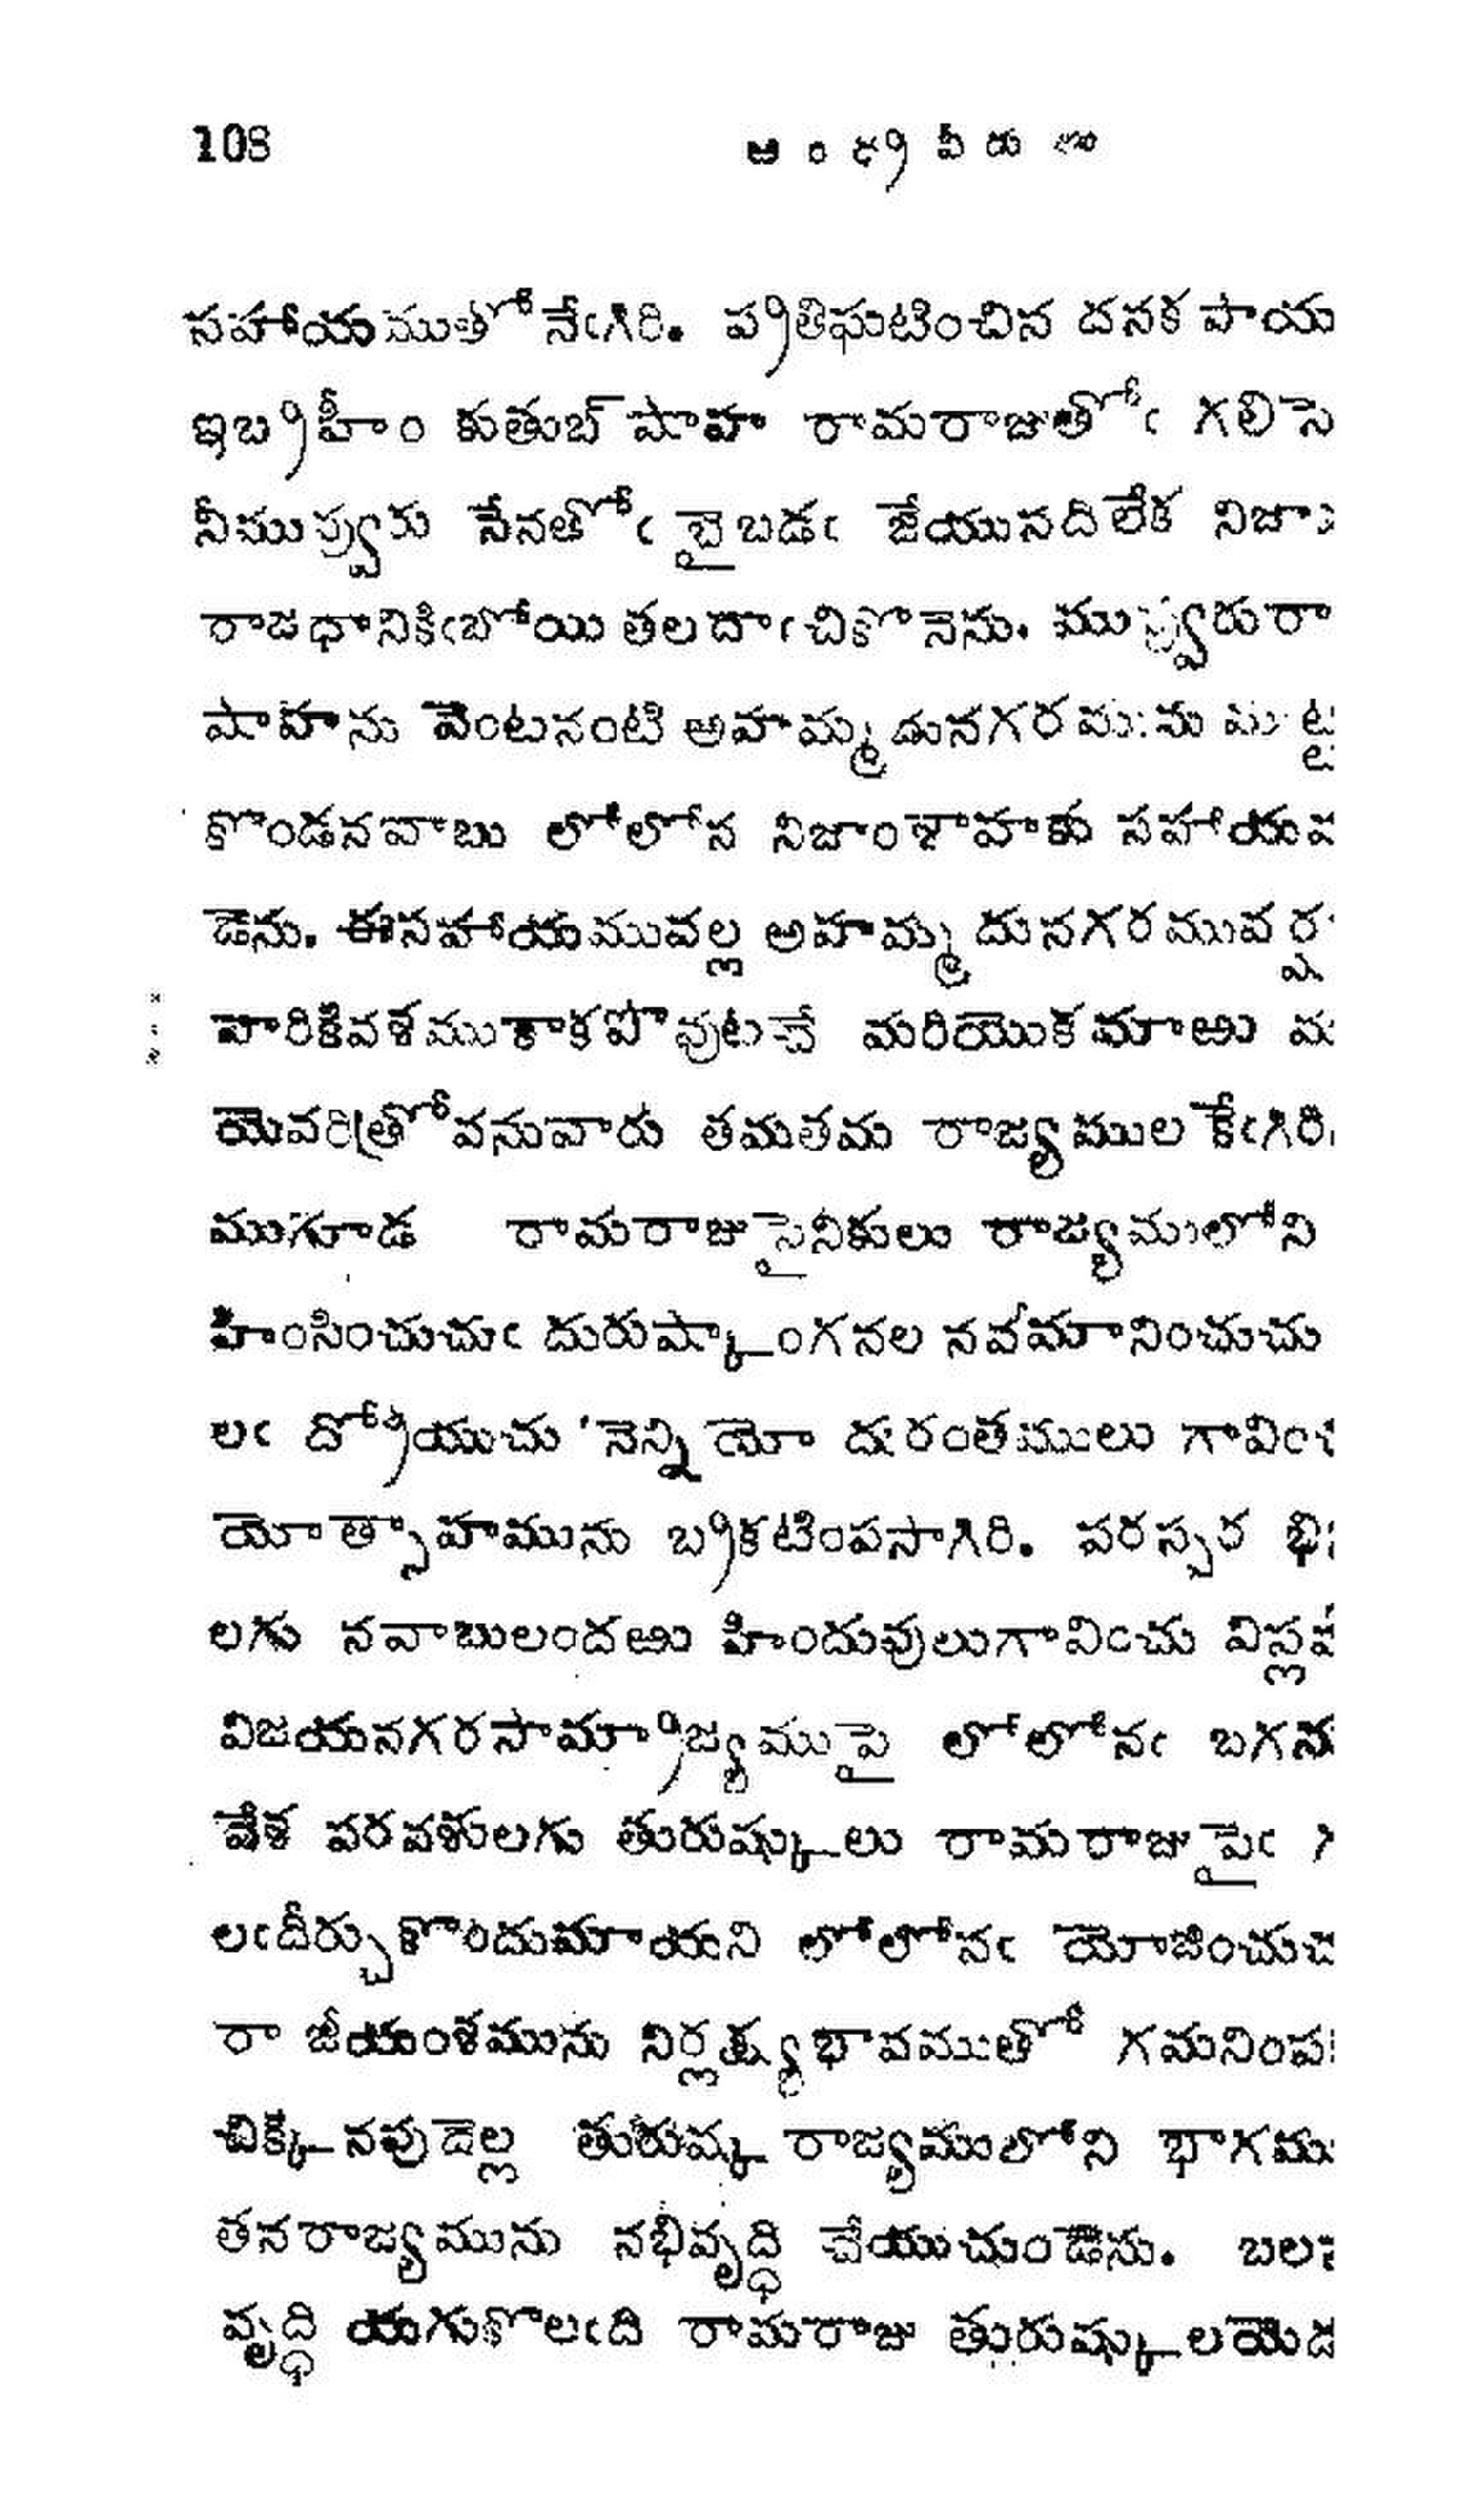108
సహాయముతో నేగిరి. ప్రతిఘటించిన దనకపాయ...
ఇబ్రహీం కుతుబ్ షాహా రామ రాజుతో గలిసె .....
నీమువ్వురు సేనతో బైబడ జేయునది లేక నిజాము....
రాజధానికి బోయి తల దాచికొనెను. మువ్వురు రా.....
షాహను వెంటనంటి అహమ్మదు నగరమును ముట్టడించ, 
గోలు కొండనవాబు లోలోన నిజాం శాహకు సహాయ
పడెను. ఈ సహాయము వల్ల అహమ్మదు నగరము వర్ష... 
వారికి వశముకాక పోవుటచే మరియొక మారు మ....
యెవరి త్రోవని వారు తమతమ రాజ్యముల కేగిరి...... 
ముగూడ రామరాజు సైనికులు రాజ్యము లోని.....
హింసించుచు దురుష్కాంగనల నవమానించుచు...... 
ల ద్రోయుచు నెన్నియో దురంతములు గావించి విజ
యోత్సాహమును బ్రకటింప సాగిరి. పరస్పర భి.....
లగు నవాబులందఱు హిందువులు గావించు విప్లవ.... 
విజయనగర సామ్రాజ్యము పై లోలోన బగను.....
వేశ పరవశులగు తురుష్కులు రామ రాజు పై ......
లదీర్చు కొందుమాయని లోలోన యోజించుచు ......
రాజీయంశమును నిర్లక్ష్యభావముతో గమనింప..... 
చిక్కినపుడెల్ల తురుష్క రాజ్యములోని భాగము ....
తనరాజ్యమును నభివృద్ధి చేయు చుండెను. బల .....
వృద్ధి యగు కొలది రామ రాజు తురుష్కుల యెడ